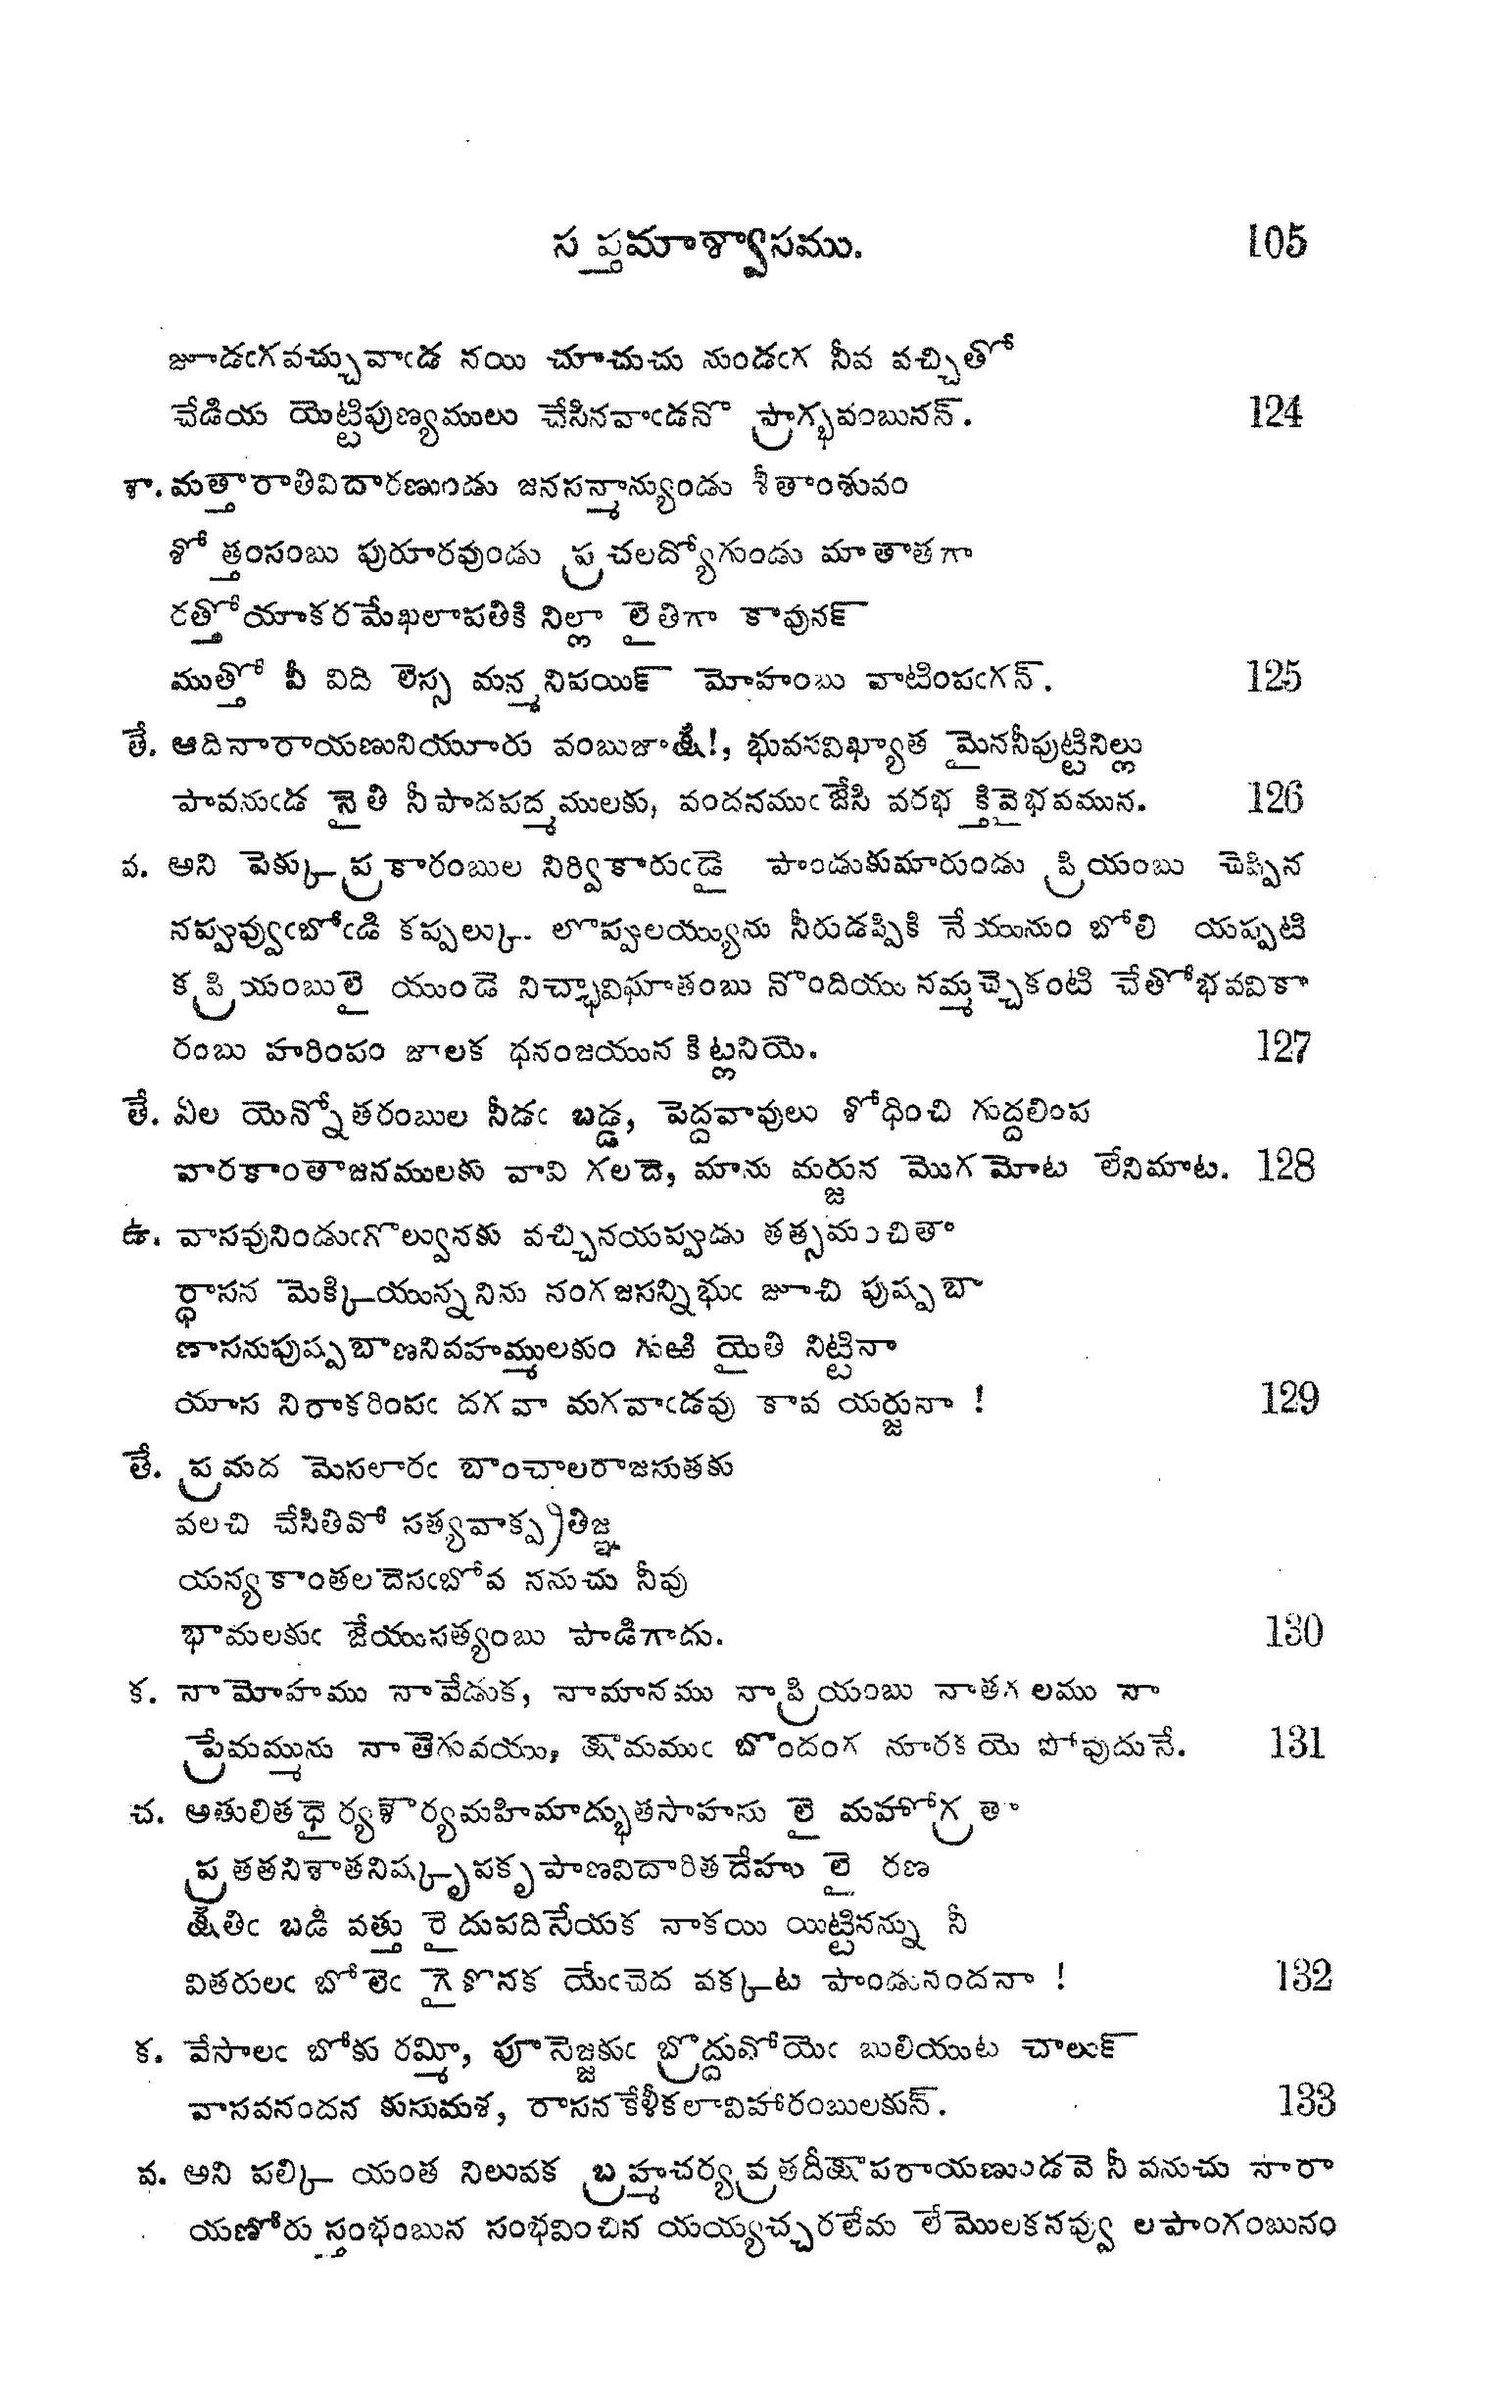జూడఁగవచ్చువాఁడనయి చూచుచు నుండఁగ నీవ వచ్చితో
చేడియ యెట్టిపుణ్యములు చేసినవాఁడనొ ప్రాగ్భవంబునన్. 124

శా. మత్తారాతివిదారణుఁడు జనసన్మాన్యుండు శీతాంశువం
శోత్తంసంబు పురూరవుండు ప్రచలద్యోగుండు మా తాతగా
రత్తోయాకరమేఖలాపతికి నిల్లా లైతిగా కావునన్
ముత్తో వీ విది లెస్స మన్మనిపయిన్ మోహంబు వాటింపఁగన్. 125

తే. ఆదినారాయణునియూరు వంబుజాక్షి!, భువనవిఖ్యాత మైననీపుట్టినిల్లు
పావనుఁడ నైతి నీపాదపద్మములకు, వందనముఁ జేసి వరభక్తివైభవమున. 126

వ. అని పెక్కుప్రకారంబుల నిర్వికారుఁడై పాండుకుమారుండు ప్రియంబు చెప్పిన నప్పువ్వుఁబోఁడి కప్పల్కు లొప్పులయ్యును నీరుడప్పికి నేయునుం బోలి యప్పటి కప్రియంబులై యుండె నిచ్ఛావిఘాతంబు నొందియు నమ్మచ్చెకంటి చేతోభవవికారంబు హరింపం జాలక ధనంజయున కిట్లనియె. 127

తే. ఏల యెన్నోతరంబుల నీడఁ బడ్డ, పెద్దవావులు శోధించి గుద్దలింప
వారకాంతాజనములకు వావి గలదె, మాను మర్జున మొగమోట లేనిమాట. 128

ఉ. వాసవునిండుఁగొల్వునకు వచ్చినయప్పుడు తత్సమంచితా
ర్ధాసన మెక్కియున్ననిను నంగజసన్నిభుఁ జూచి పుష్పబా
ణాసనుపుష్పబాణనివహములకుం గుఱి యైతి నిట్టినా
యాస నిరాకరింపఁ దగవా మగవాఁడవు కావ యర్జునా! 129

తే. ప్రమద మెసలారఁ బాంచాలరాజసుతకు
వలచి చేసితివో సత్యవాక్ప్రతిజ్ఞ
యన్యకాంతలదెసఁ బోవ ననుచు నీవు
భామలకుఁ జేయుసత్యంబు పాడి గాదు. 130

క. నామోహము నావేడుక, నామానము నాప్రియంబు నాతగలము నా
ప్రేమమ్మును నాతెగువయు, క్షామముఁ బొందంగ నూరకయె పోవుదునే. 131

చ. అతులితధైర్యశౌర్యమహిమాద్భుతసాహసులై మహోగ్రతా
ప్రతతనిశాతనిష్కృపకృపాణవిదారితదేహులై రణ
క్షితిఁ బడి వత్తు రైదుపదిసేయక నాకయి యిట్టినన్ను నీ
వితరులఁ బోలెఁ గైకొనక యేఁచెద వక్కట పాండునందనా! 132

క. వేసాలఁ బోకు రమ్మీ, పూసెజ్జకుఁ బొద్దువోయెఁ బులియుట చాలున్
వాసవనందన కుసుమశ, రాసనకేళీకలావిహారంబులకున్. 133
 
వ. అని పల్కి యంత నిలువక బహచర్యవ్రతదీక్షాపరాయణుడవె నీ వనుచు నారాయణోరుస్తంభంబున సంభవించిన యయ్యచ్చరలేమ లేమొలకనవ్వు లపాంగంబునం